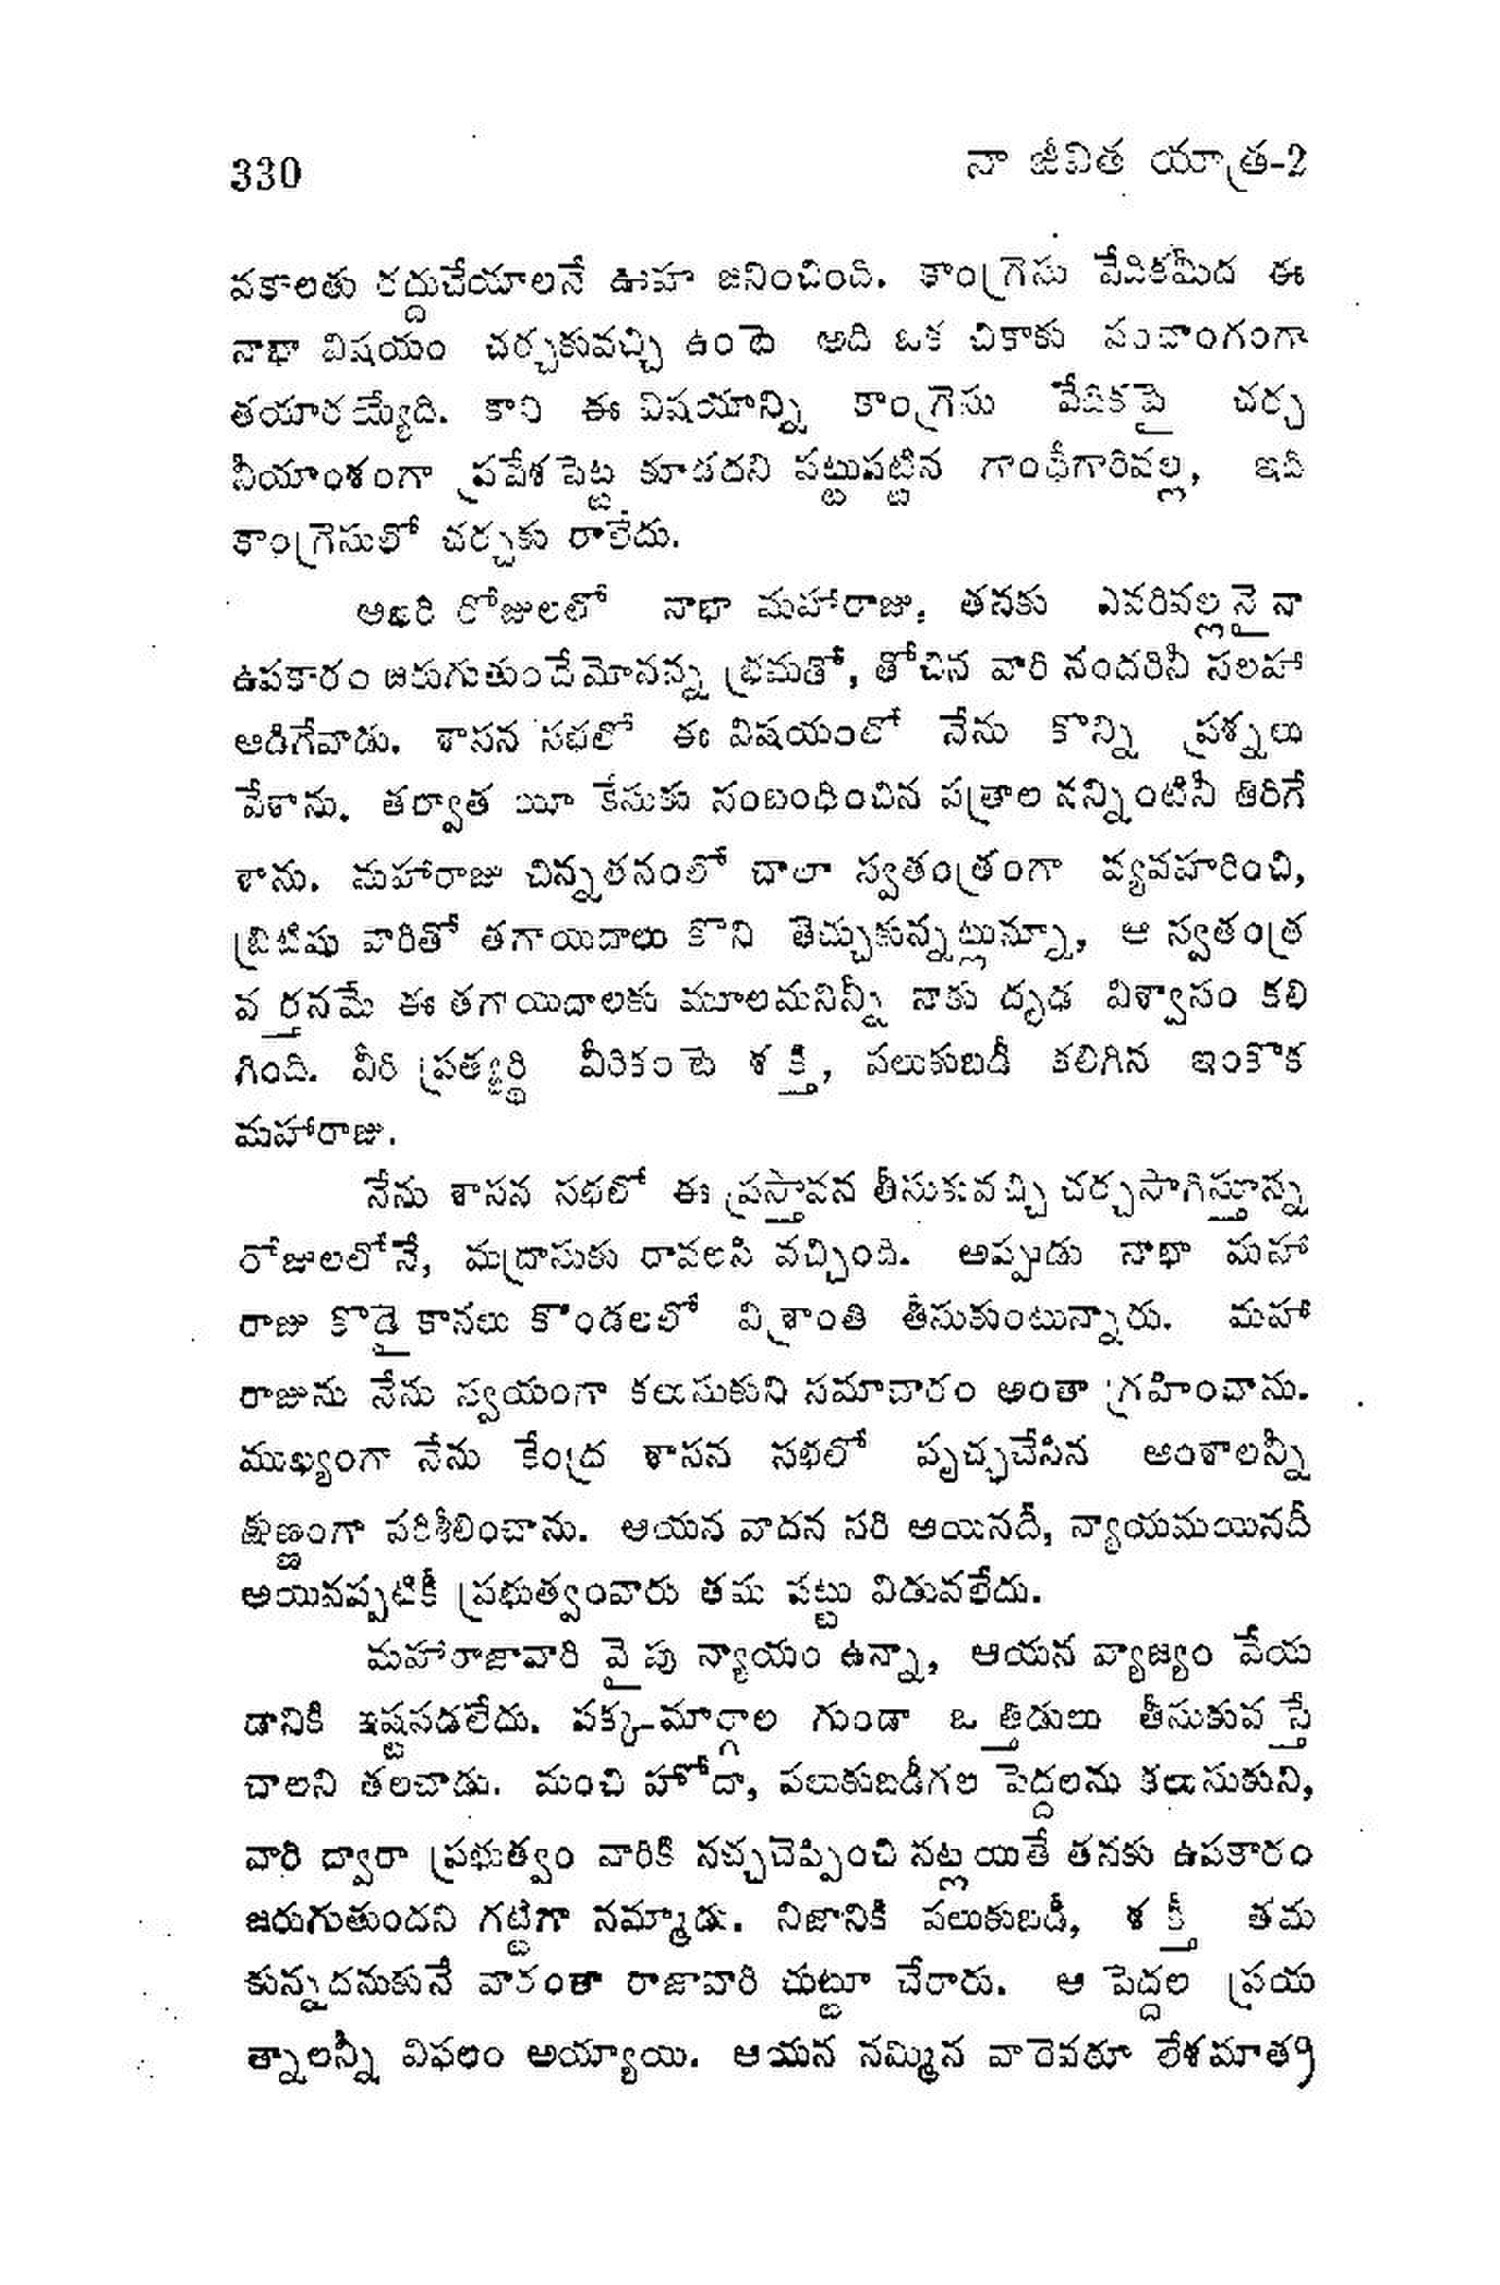వకాలతు రద్దుచేయాలనే ఊహ జనించింది. కాంగ్రెసు వేదికమీద ఈ నాభా విషయం చర్చకువచ్చి ఉంటె అది ఒక చికాకు పంచాంగంగా తయారయ్యేది. కాని ఈ విషయాన్ని కాంగ్రెసు వేదికపై చర్చనీయాంశంగా ప్రవేశపెట్ట కూడదని పట్టుపట్టిన గాంధీగారివల్ల, ఇది కాంగ్రెసులో చర్చకు రాలేదు.

ఆఖరి రోజులలో నాభా మహారాజు, తనకు ఎవరివల్లనైనా ఉపకారం జరుగుతుందేమోనన్న భ్రమతో, తోచిన వారి నందరినీ సలహా అడిగేవాడు. శాసన సభలో ఈ విషయంలో నేను కొన్ని ప్రశ్నలు వేశాను. తర్వాత యీ కేసుకు సంబంధించిన పత్రాల నన్నింటినీ తిరిగేశాను. మహారాజు చిన్నతనంలో చాలా స్వతంత్రంగా వ్యవహరించి, బ్రిటిషు వారితో తగాయిదాలు కొని తెచ్చుకున్నట్లున్నూ, ఆ స్వతంత్ర వర్తనమే ఈ తగాయిదాలకు మూలమనిన్నీ నాకు దృడ విశ్వాసం కలిగింది. వీరి ప్రత్యర్థి వీరికంటె శక్తి, పలుకుబడీ కలిగిన ఇంకొక మహారాజు.

నేను శాసన సభలో ఈ ప్రస్తావన తీసుకువచ్చి చర్చసాగిస్తూన్న రోజులలోనే, మద్రాసుకు రావలసి వచ్చింది. అప్పుడు నాభా మహారాజు కొడైకానలు కొండలలో విశ్రాంతి తీసుకుంటున్నారు. మహారాజును నేను స్వయంగా కలుసుకుని సమాచారం అంతా గ్రహించాను. ముఖ్యంగా నేను కేంద్ర శాసన సభలో పృచ్చచేసిన అంశాలన్నీ క్షుణ్ణంగా పరిశీలించాను. ఆయన వాదన సరి అయినదీ, న్యాయమయినదీ అయినప్పటికీ ప్రభుత్వంవారు తమ పట్టు విడువలేదు.

మహారాజావారి వైపు న్యాయం ఉన్నా, ఆయన వ్యాజ్యం వేయడానికి ఇష్టపడలేదు. పక్కమార్గాల గుండా ఒత్తిడులు తీసుకువస్తే చాలని తలచాడు. మంచి హోదా, పలుకుబడీగల పెద్దలను కలుసుకుని, వారి ద్వారా ప్రభుత్వం వారికి నచ్చచెప్పించి నట్లయితే తనకు ఉపకారం జరుగుతుందని గట్టిగా నమ్మాడు. నిజానికి పలుకుబడీ, శక్తీ తమకున్నదనుకునే వారంతా రాజావారి చుట్టూ చేరారు. ఆ పెద్దల ప్రయత్నాలన్నీ విఫలం అయ్యాయి. ఆయన నమ్మిన వారెవరూ లేశమాత్ర